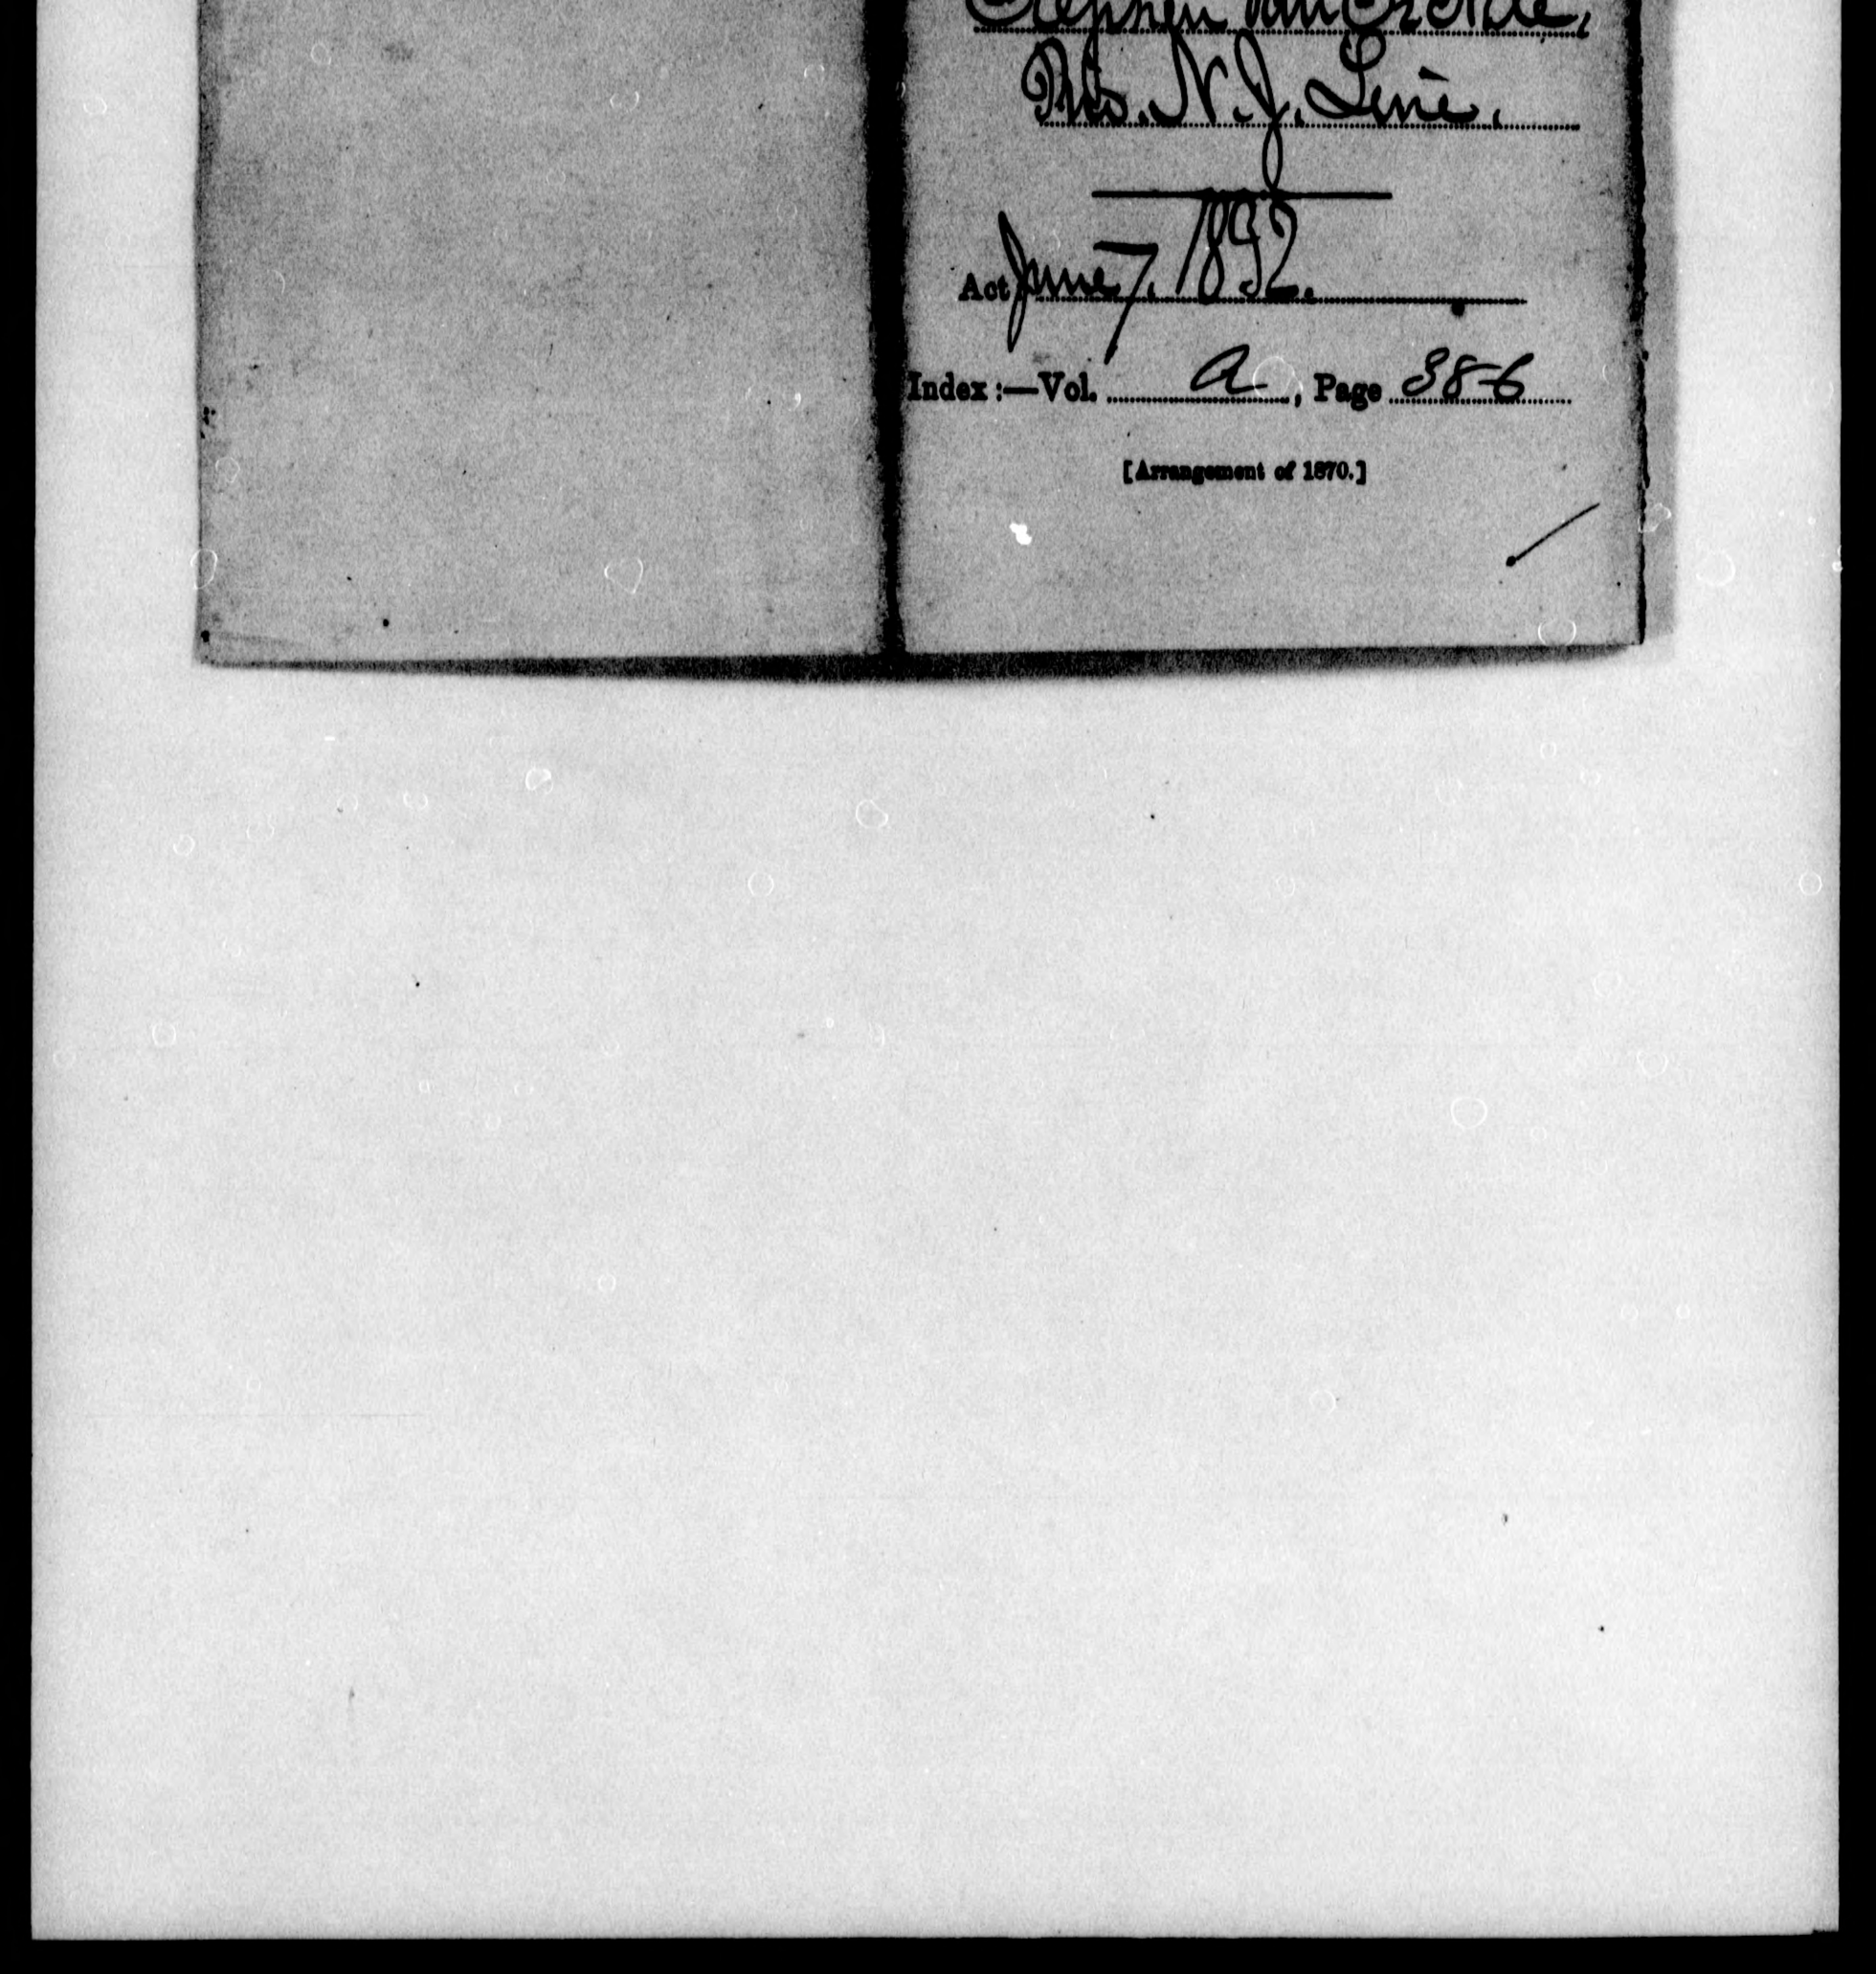Pvt NJ LIne
June 7 1832.
1
-- Vol. A, Page 386
Arrangement of 1870.}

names: Stephen Van Sickle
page: 3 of 12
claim: survivor's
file: S. 1136, Stephen Van Sickle, New Jersey